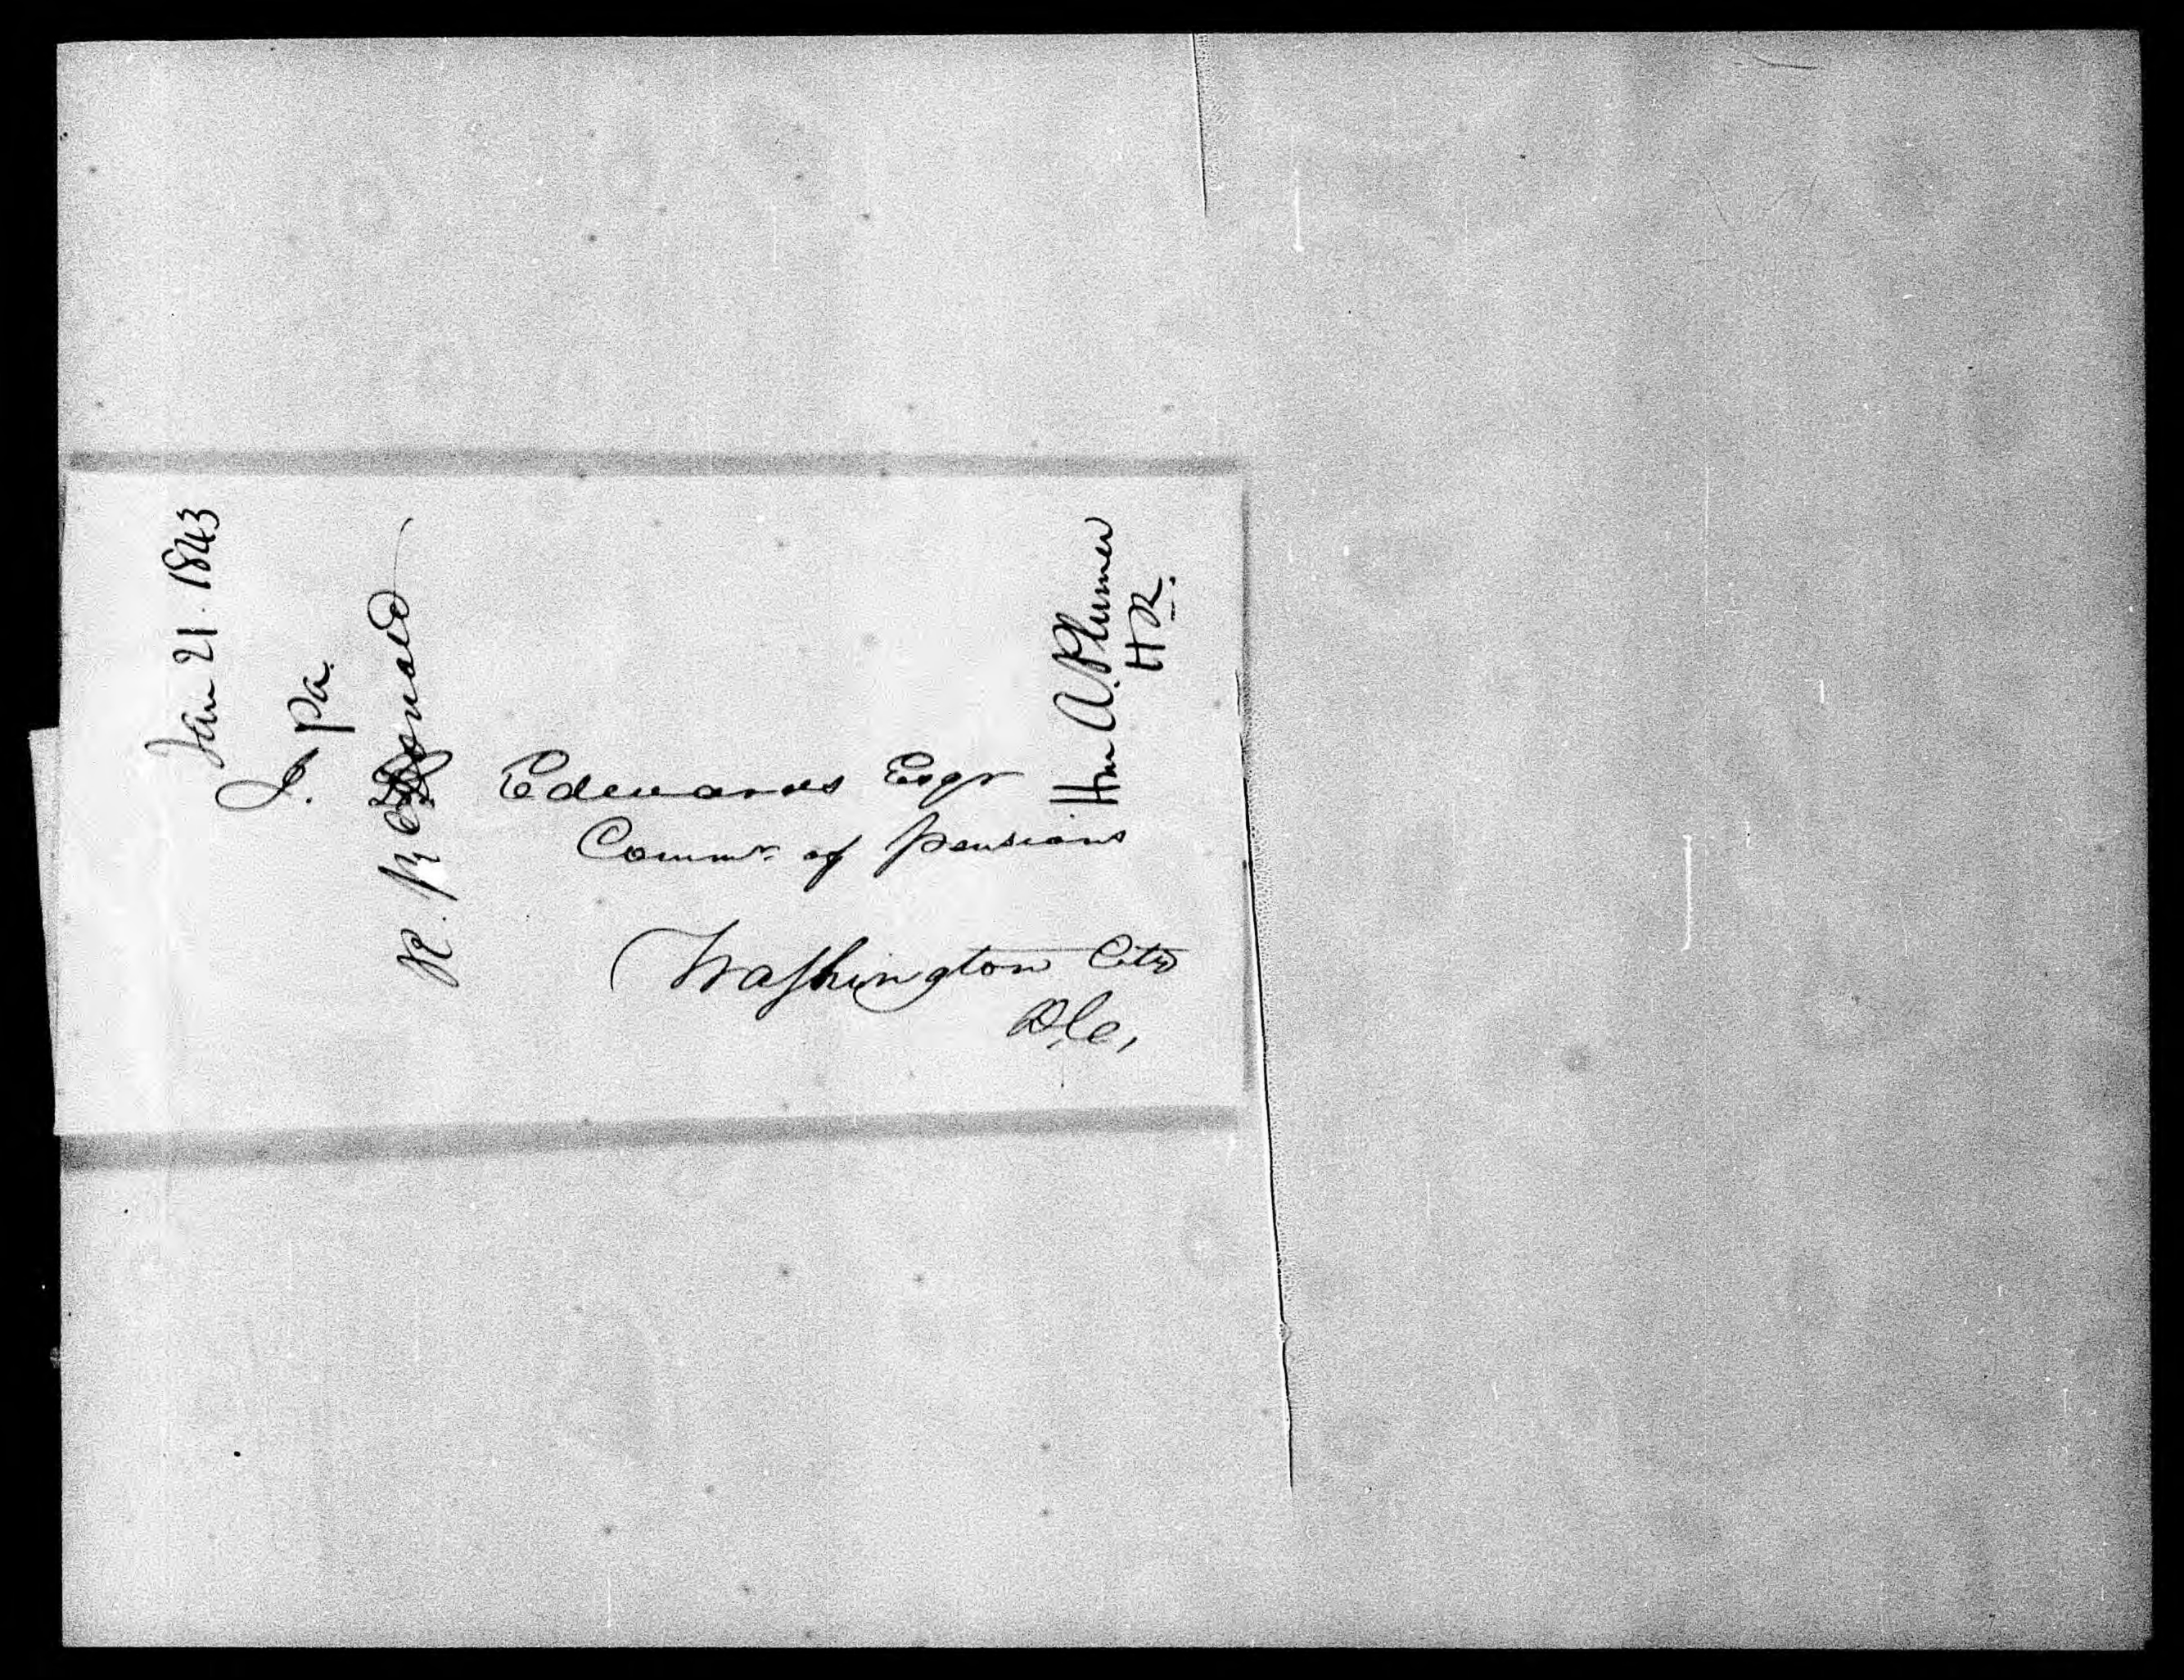Jan 21 1843
Pa
R McDonald
Edwards Esq
Commissioner of Pensions
Washington City
D.C.
Hon A Plummer HR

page: 39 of 59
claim: widow's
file: W 3703, for Robert Mc Donald, Pennsylvania